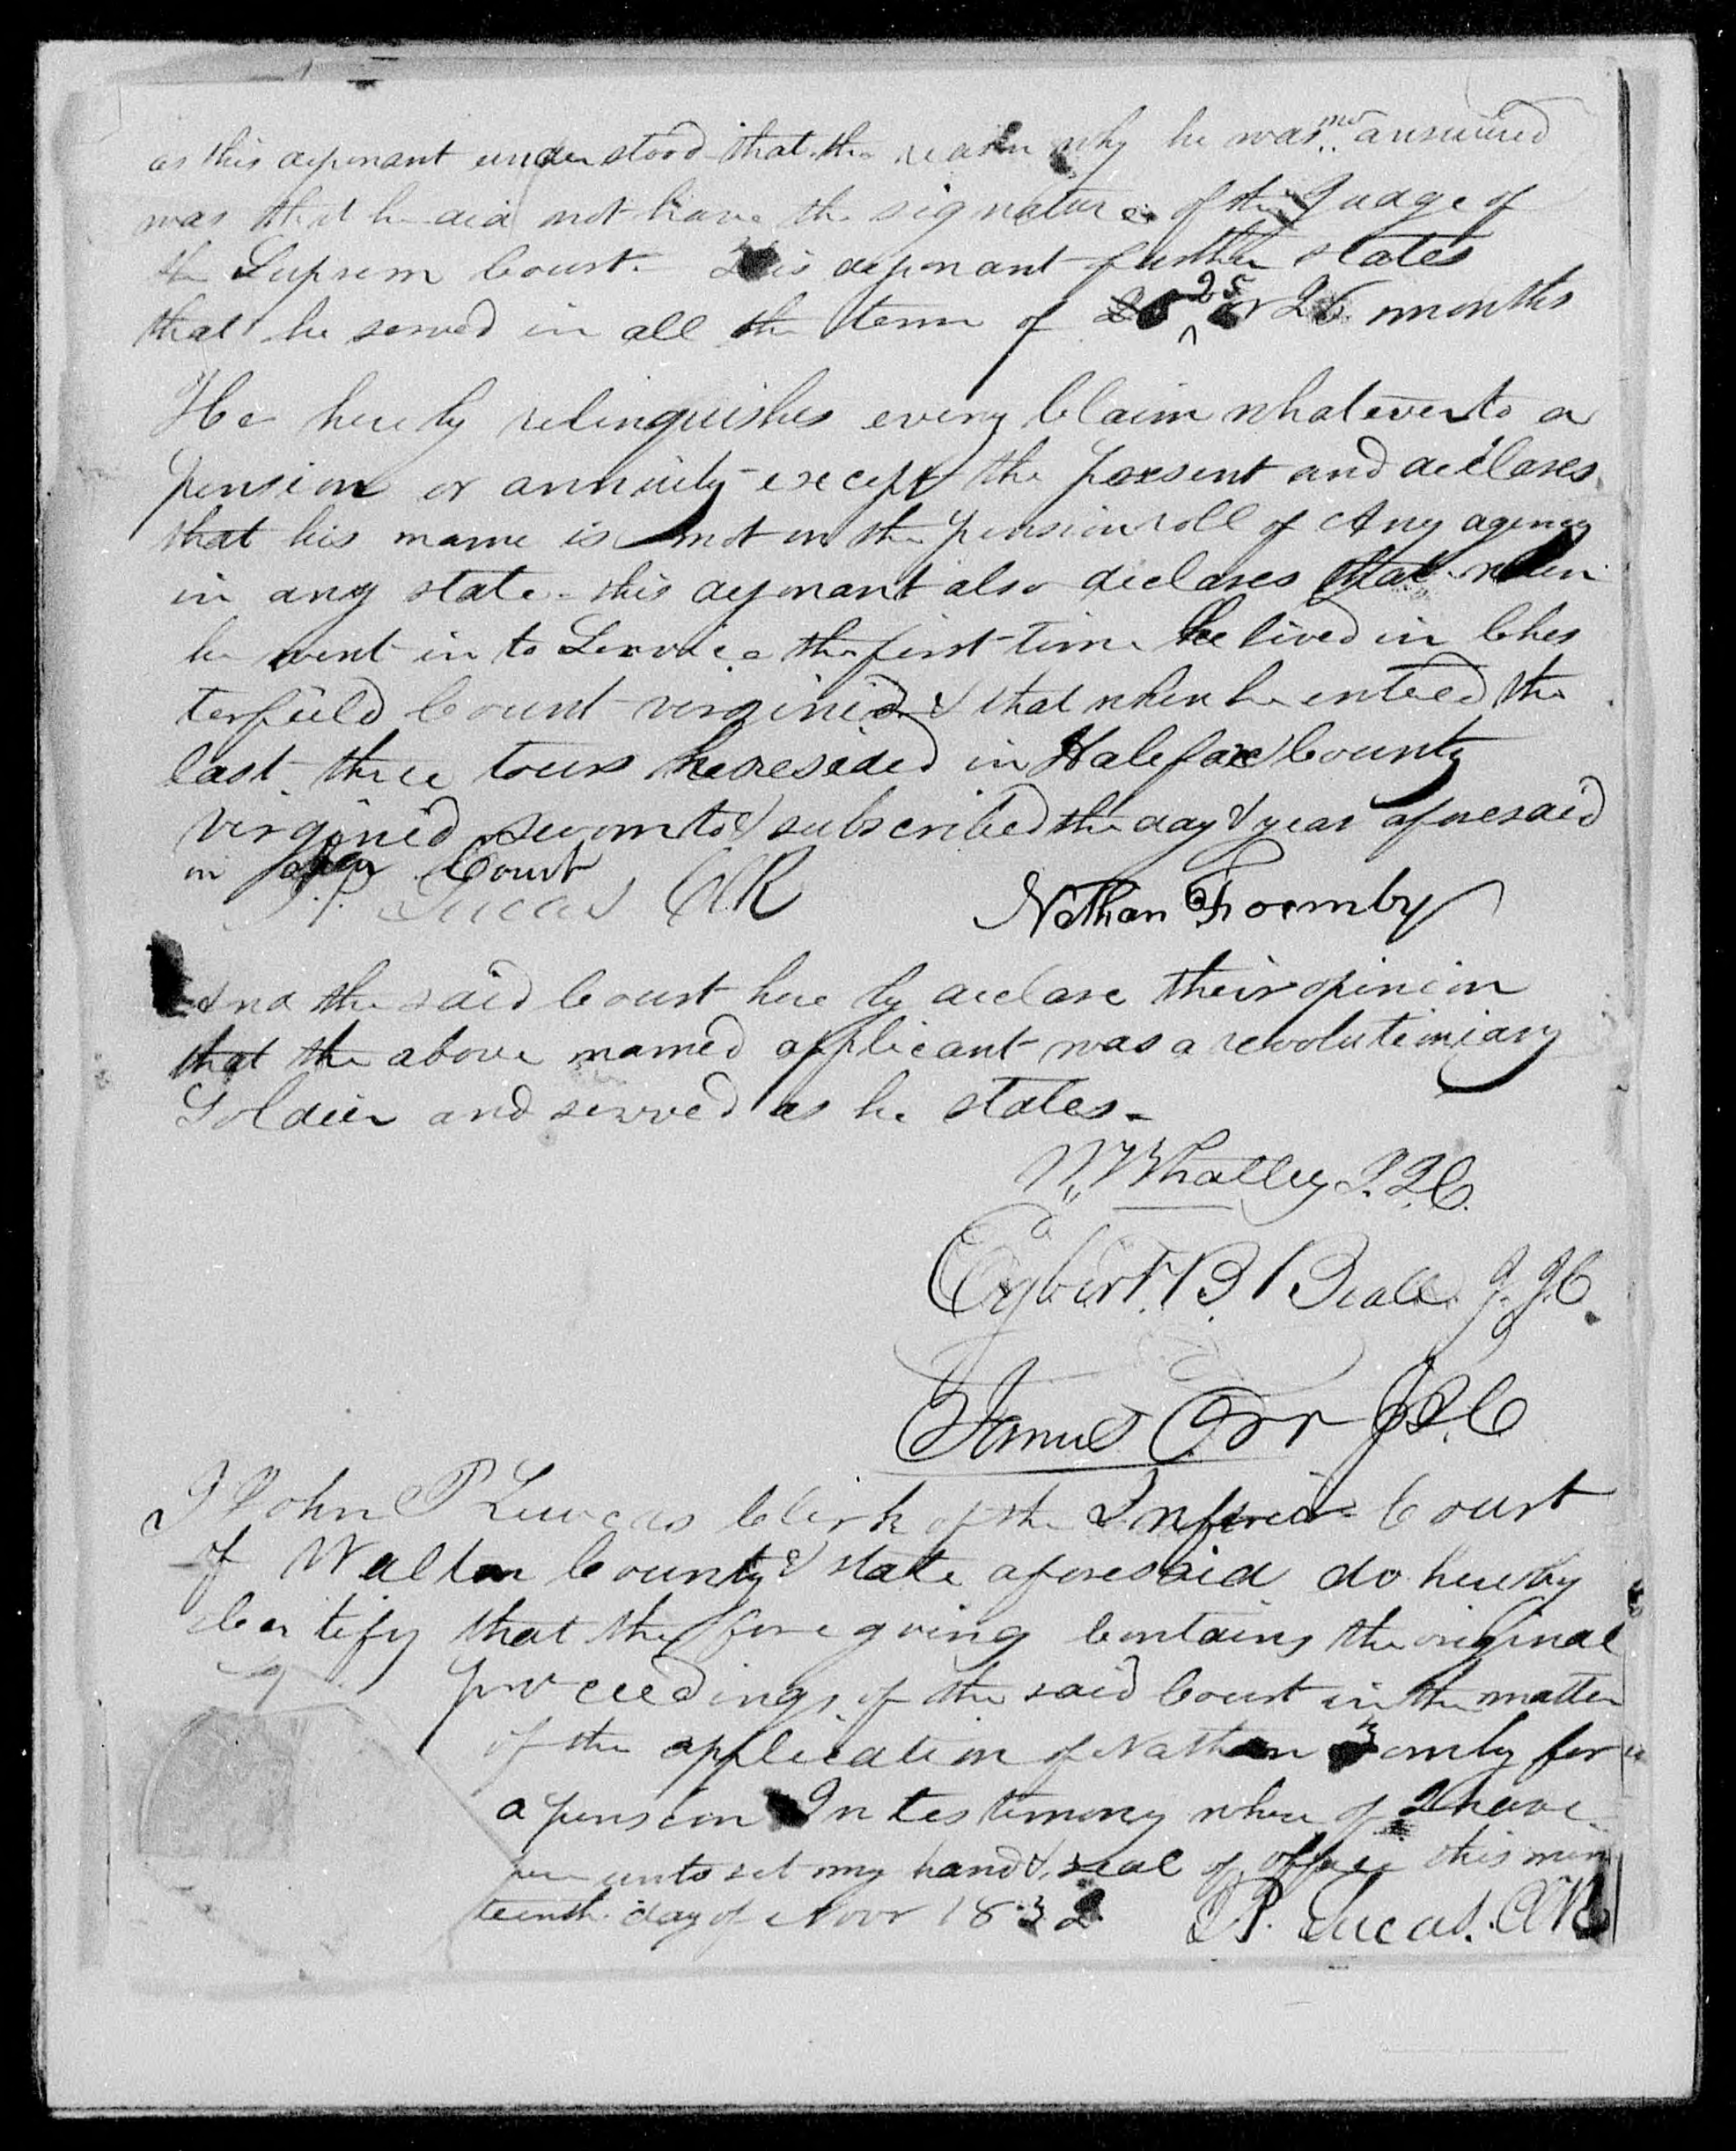as this deponent understood that the reason why he was not answered was that he did not have the signature of the Judge of the Superior Court. This deponent further states that he served in all the term of 25 or 26 months
He hereby relinquishes every Claim whatever to a pension or annuity except the present and declares that his name is not in the pension roll of Any agency in any state, this deponent also declares that when he went in to Service the first time he lived in Chesterfield Count, Virginia & that when he entered the last three tours he resided in Halifax County Virginia. Sworn to & subscribed the day & year aforesaid in Superior Court
J.P. Lucas Clk
Nathan Formby

And the said Court hereby declare their opinion that the above named applicant was a revolutionary Soldier and served as he states.
N. Whatley J.J.C.
Egbert B. Beall, J.J.C.
James Orr, J.S.C.

I John P. Lucas Clerk of the Inferior Court of Walton County & state aforesaid do hereby certify that the foregoing contains the original proceedings of the said Court in the matter of the application of Nathan Formby for a pension. In testimony whereof I have hereunto set my hand & seal of office this nineteenth day of Novr 1832
J.P. Lucas, CIC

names: J P Lucas, James Orr, W Whatley, John P Lucas, Nathan Fomby, J P Lucas, Egbert B Beall, Nathan Formby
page: 7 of 54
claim: widow's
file: W. 3794, Nathan Formby, Va.